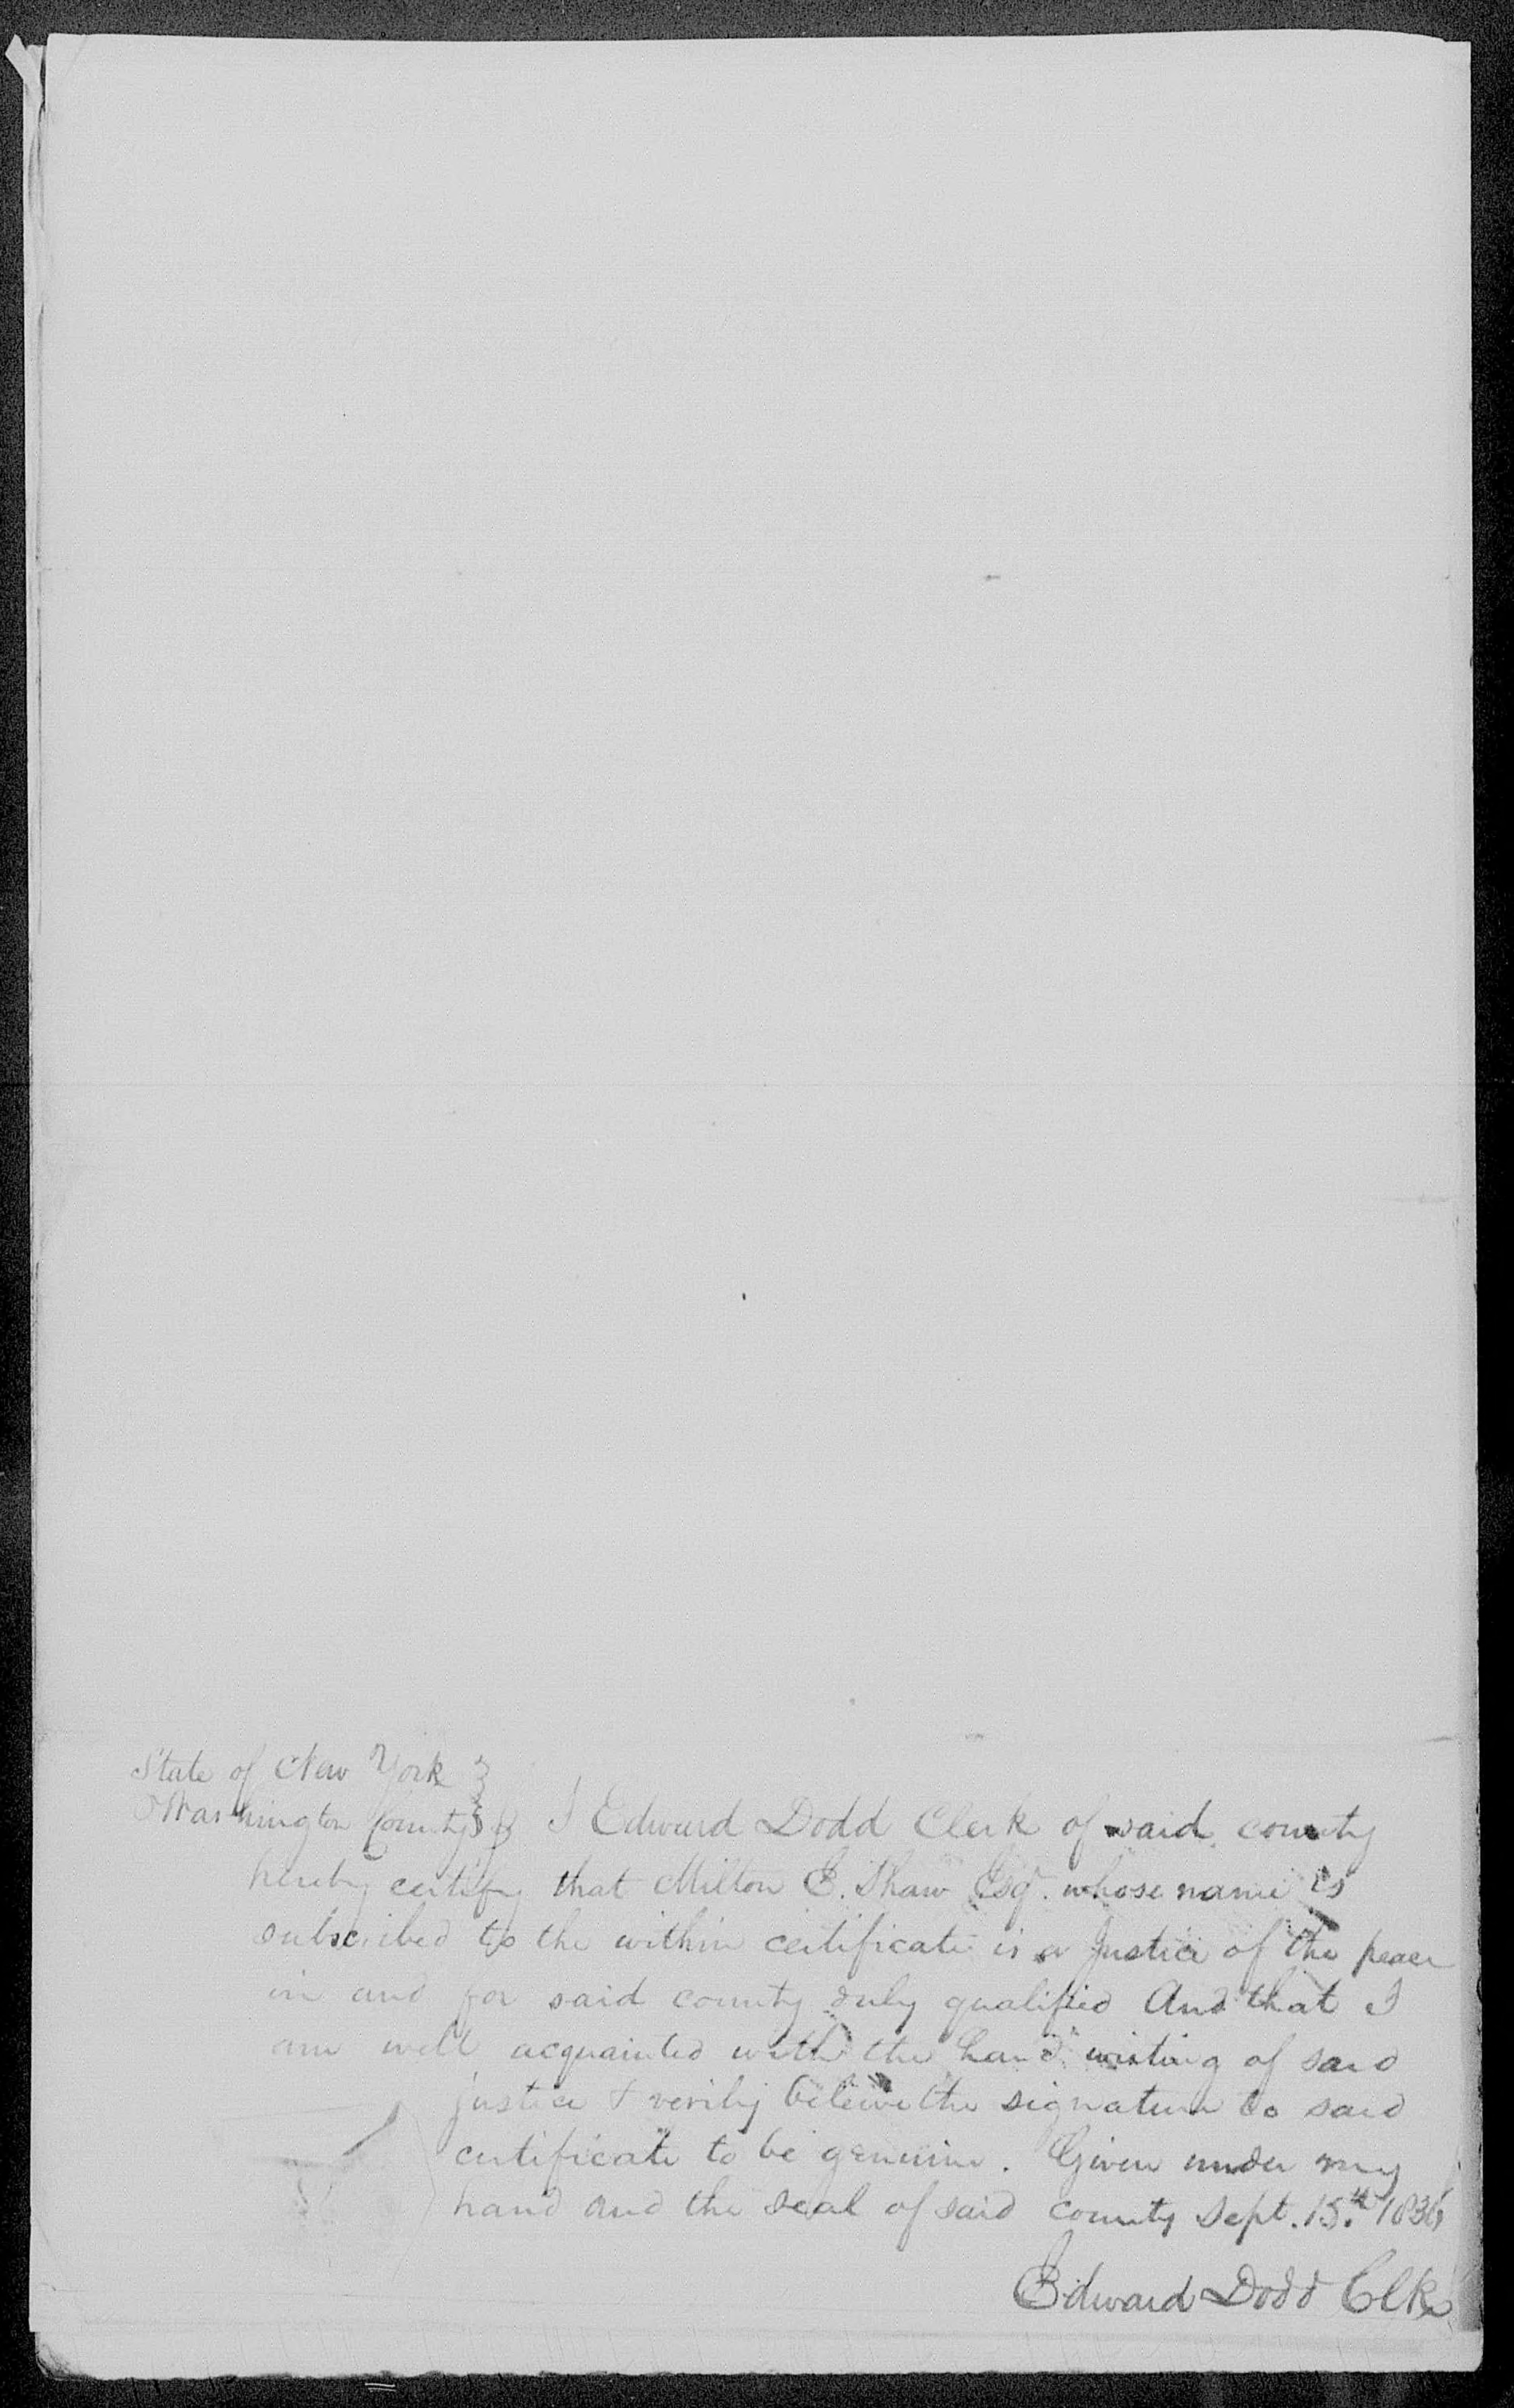State of New York}
Washington County}ss
I Edward Dodd Clerk of said county hereby certify that Milton E. Shaw Esq. whose name is subscribed to the within certificate is a Justice of the Peace in and for said county duly qualified  And that I am well acquainted with the hand writing of said justice & verily believe the signature to said certificate to be genuine.  Given under my hand and the seal of said county Sept. 15th 1836
Edward Dodd Clk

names: Edward Dodd, Milton E Shaw, Edward Dodd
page: 63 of 83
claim: widow's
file: W. 10,384, Oliver Barrett, Continental (Vt.) N.Y.